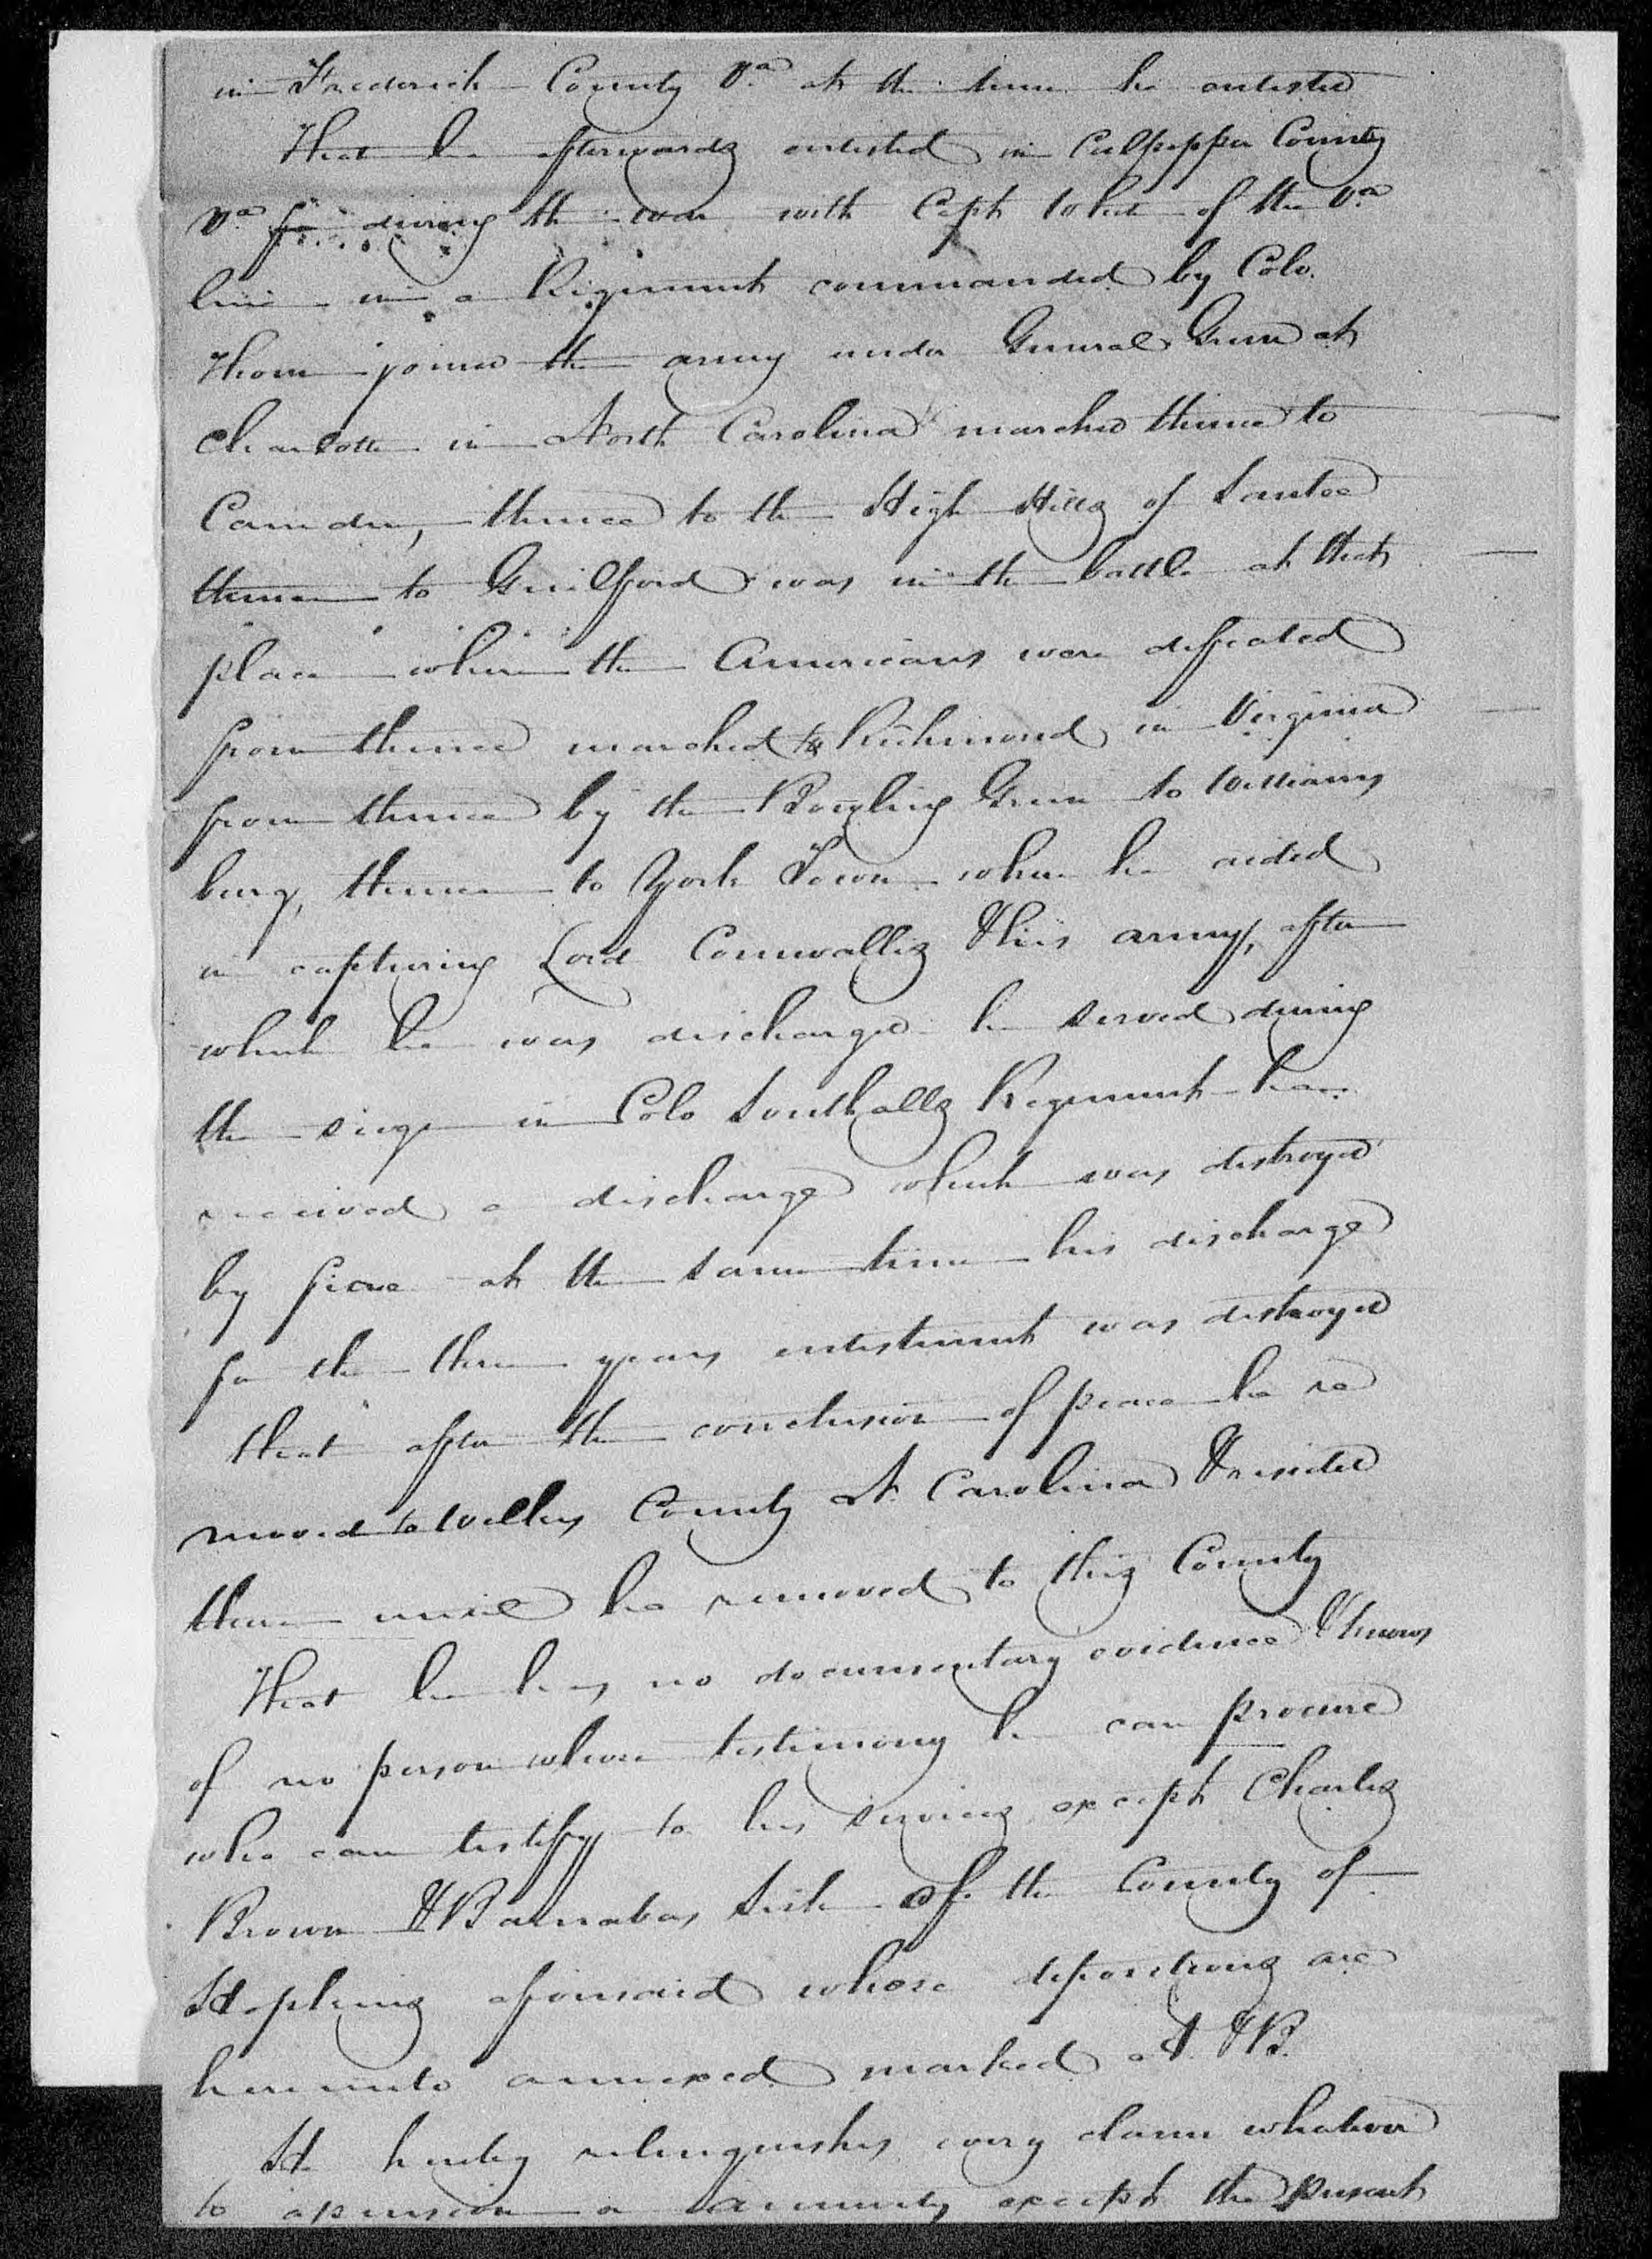in Frederick County Va. at the time he enlisted.

That he afterwards enlisted in Culpepper County Va. for during the war with Capt White 
of the Va. line in a Regiment commanded by Colo. Thorn joined the army under General Green at Charlotte in North Carolina marched 
thence to Camden, thence to the High Hills of 
Santee thence to Guilford was in the battle at 
that place where the Americans were defeated

from thence marched to Richmond in Virginia from thence by the Bowling Green to Williamsburg thence to York Town where he aided in capturing Lord Cornwallis & his army, 
after which he was discharged. he served during the siege in Colo Southalls Regiment 
he has received a discharge which was destroyed by fire at the same house his discharge for the three years enlistment was destroyed 

that after the conclusion of peace he removed to Wilkes County N Carolina & resided there until he removed to this County
that he has no documentary evidence & knows of no person whose testimony he can procure who can testify to his serving except Charles Brown & Barnabas Sisk of the County of Hopkins aforesaid whose depositions are 
hereunto annexed marked A & B.

He hereby relinquishes any claim whatever to a pension or annuity except the present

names: Thorn, White, Lord Cornwallis, Bowling Green, Barnabas Sisk, Charles Brown, Green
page: 5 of 19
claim: survivor's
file: S. 16404, John Hankins, Va.